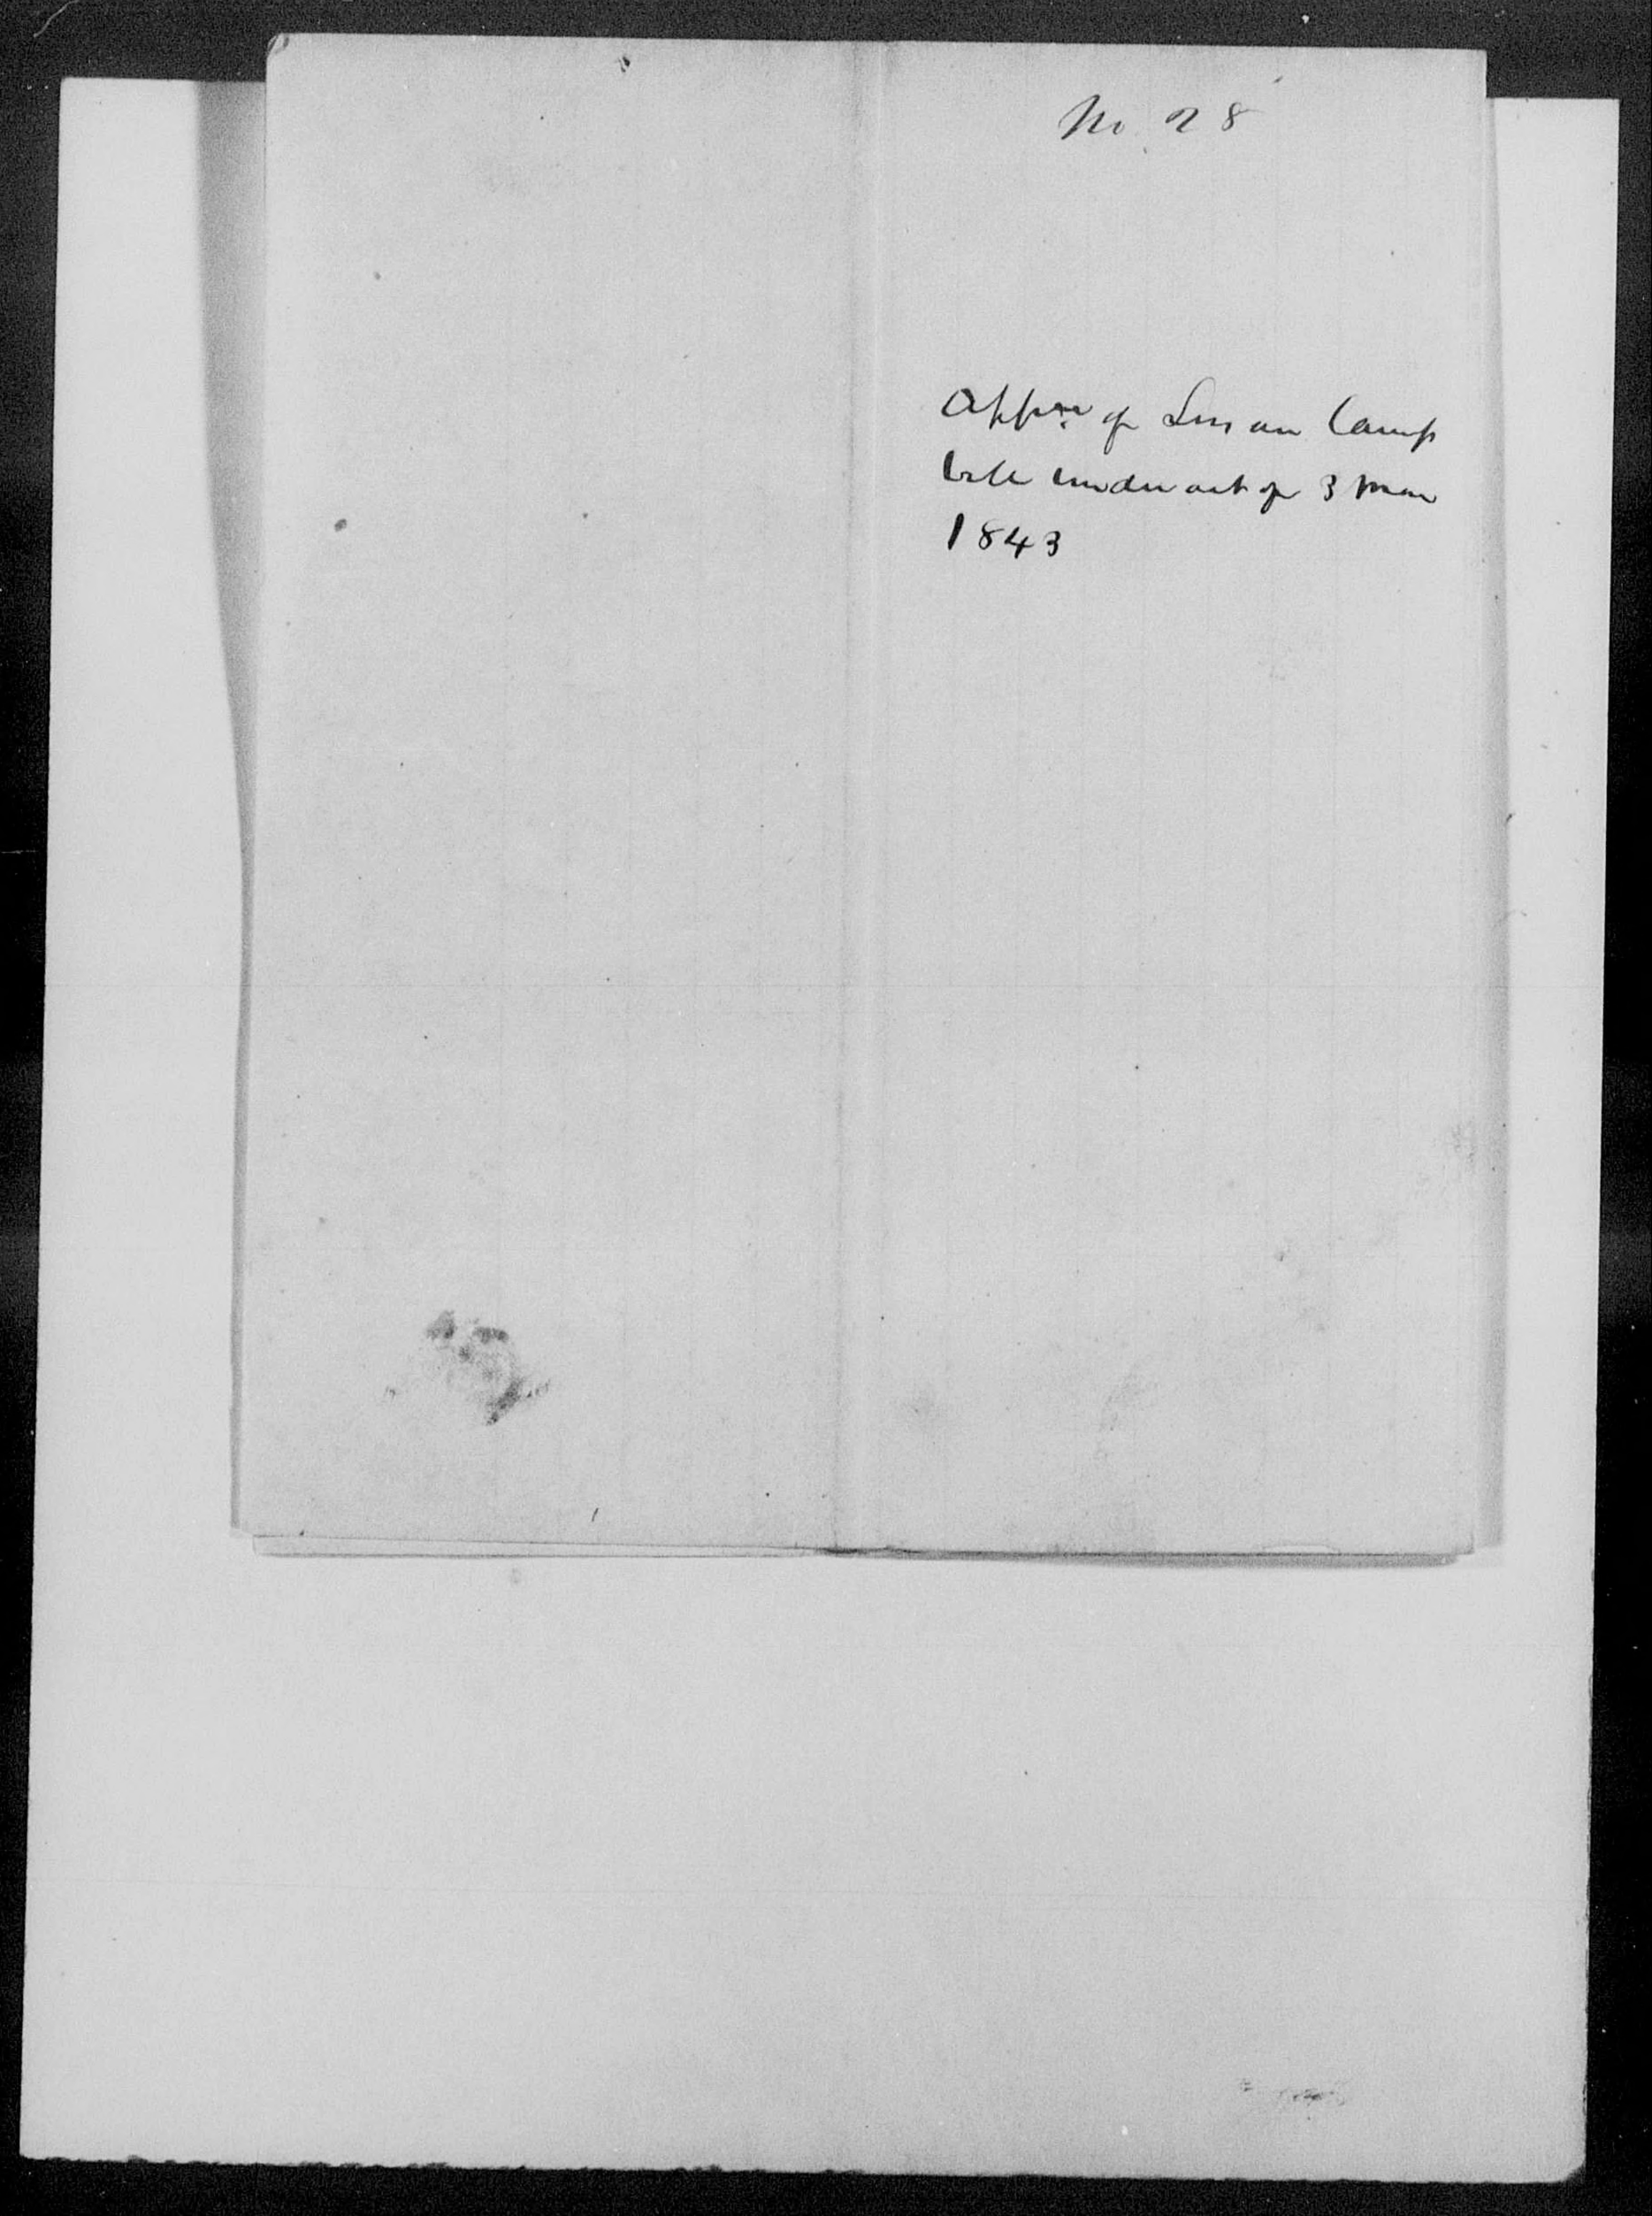Affidavit of Susan Campbell under oath 3 Mar 1843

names: Susan Campbell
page: 217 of 267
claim: widow's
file: W. 4,149, William Campbell, Va.